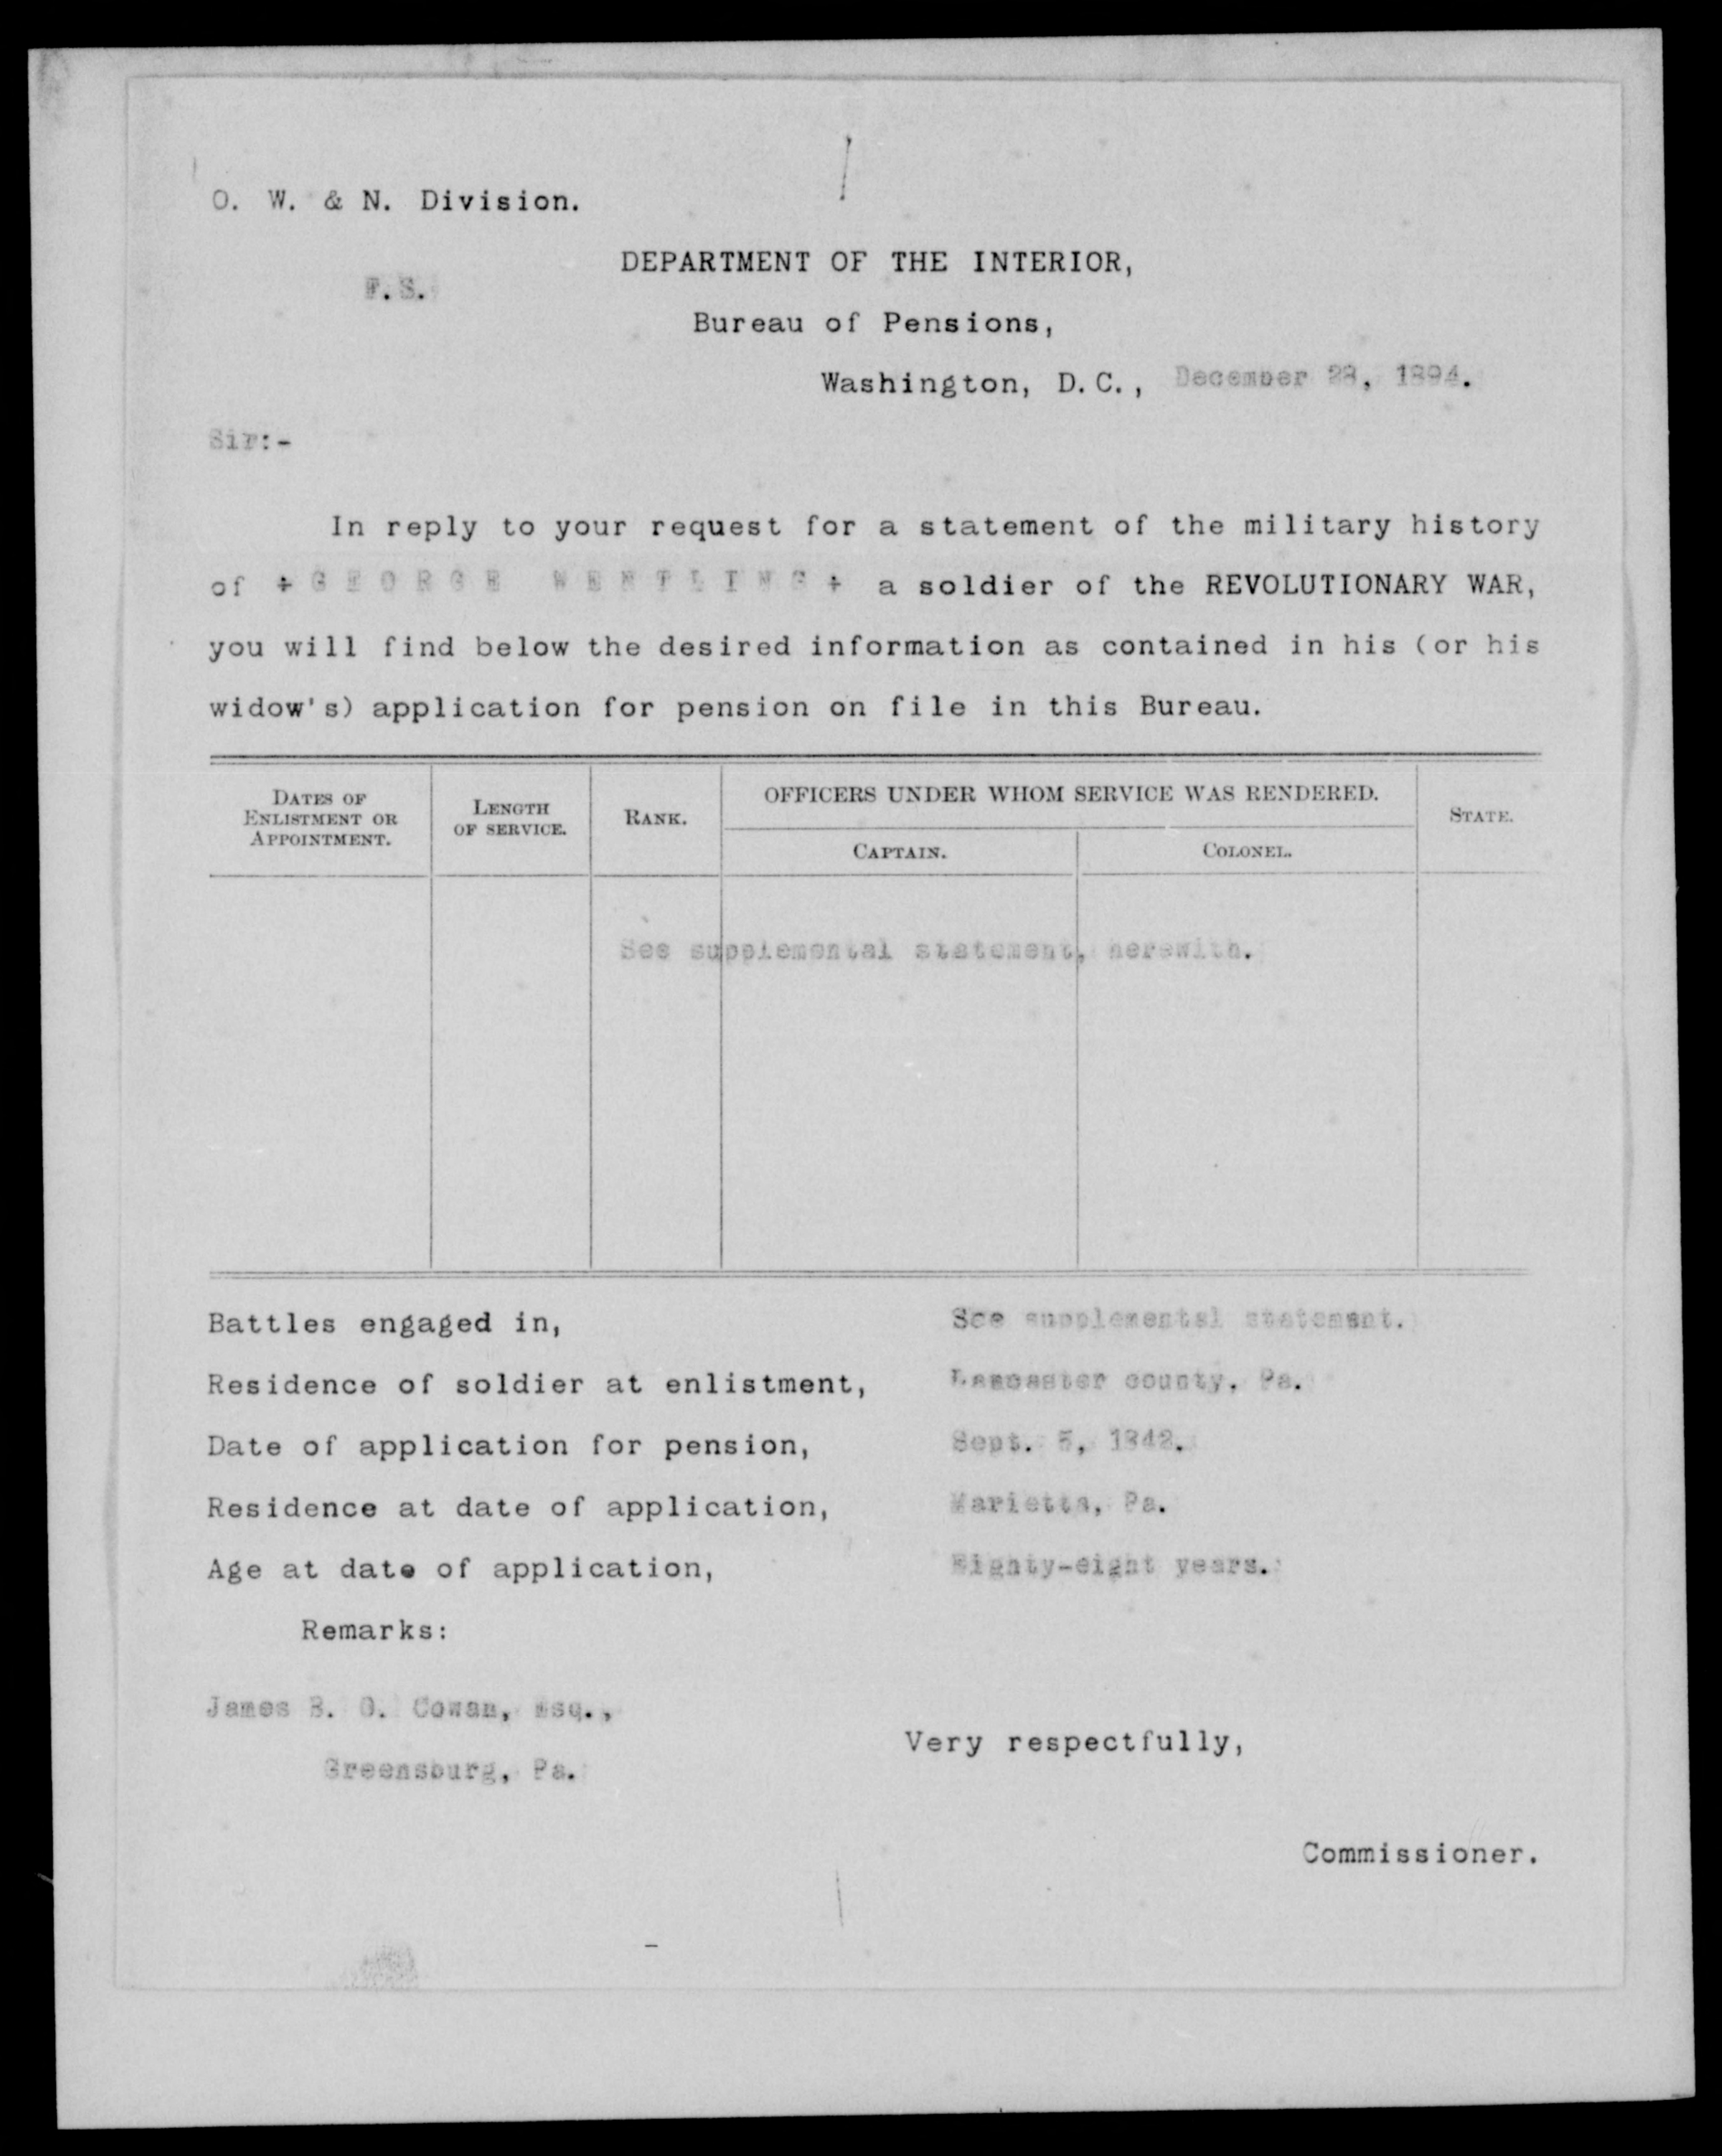O. W. & N. Division.

DEPARTMENT OF THE INTERIOR,
F. S.
Bureau of Pensions,
Washington, D. C., December 23, 1894,

Sir: --
In reply to your request for a statement of the military history of GEORGE WENTLING a soldier of the REVOLUTIONARY WAR, you will find below the desired information as contained in his (or his widow's) application for pension on file in this Bureau.
DATES OF ENLISTMENT OR APPOINTMENT.
LENGTH OF SERVICE.
RANK.
OFFICERS UNDER WHOM SERVICE WAS RENDERED.
CAPTAIN.
COLONEL.
STATE.
See supplemental statement.
Battles engaged in, See supplemental statement.
Residence of soldier at enlistment, Lancaster County, Pa.
Date of application for pension, Sept. 5, 1842.
Residence at date of application, Marietta, Pa.
Age at date of application, Eighty-eight years.
Remarks:

James B. O. Cowan, Esq.,
                                Very respectfully,
Greensburg, Pa.
                                      Commissioner.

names: James B O Cowan, George Wentling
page: 12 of 68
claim: survivor's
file: S. 6,358, George Wentling, Penn.